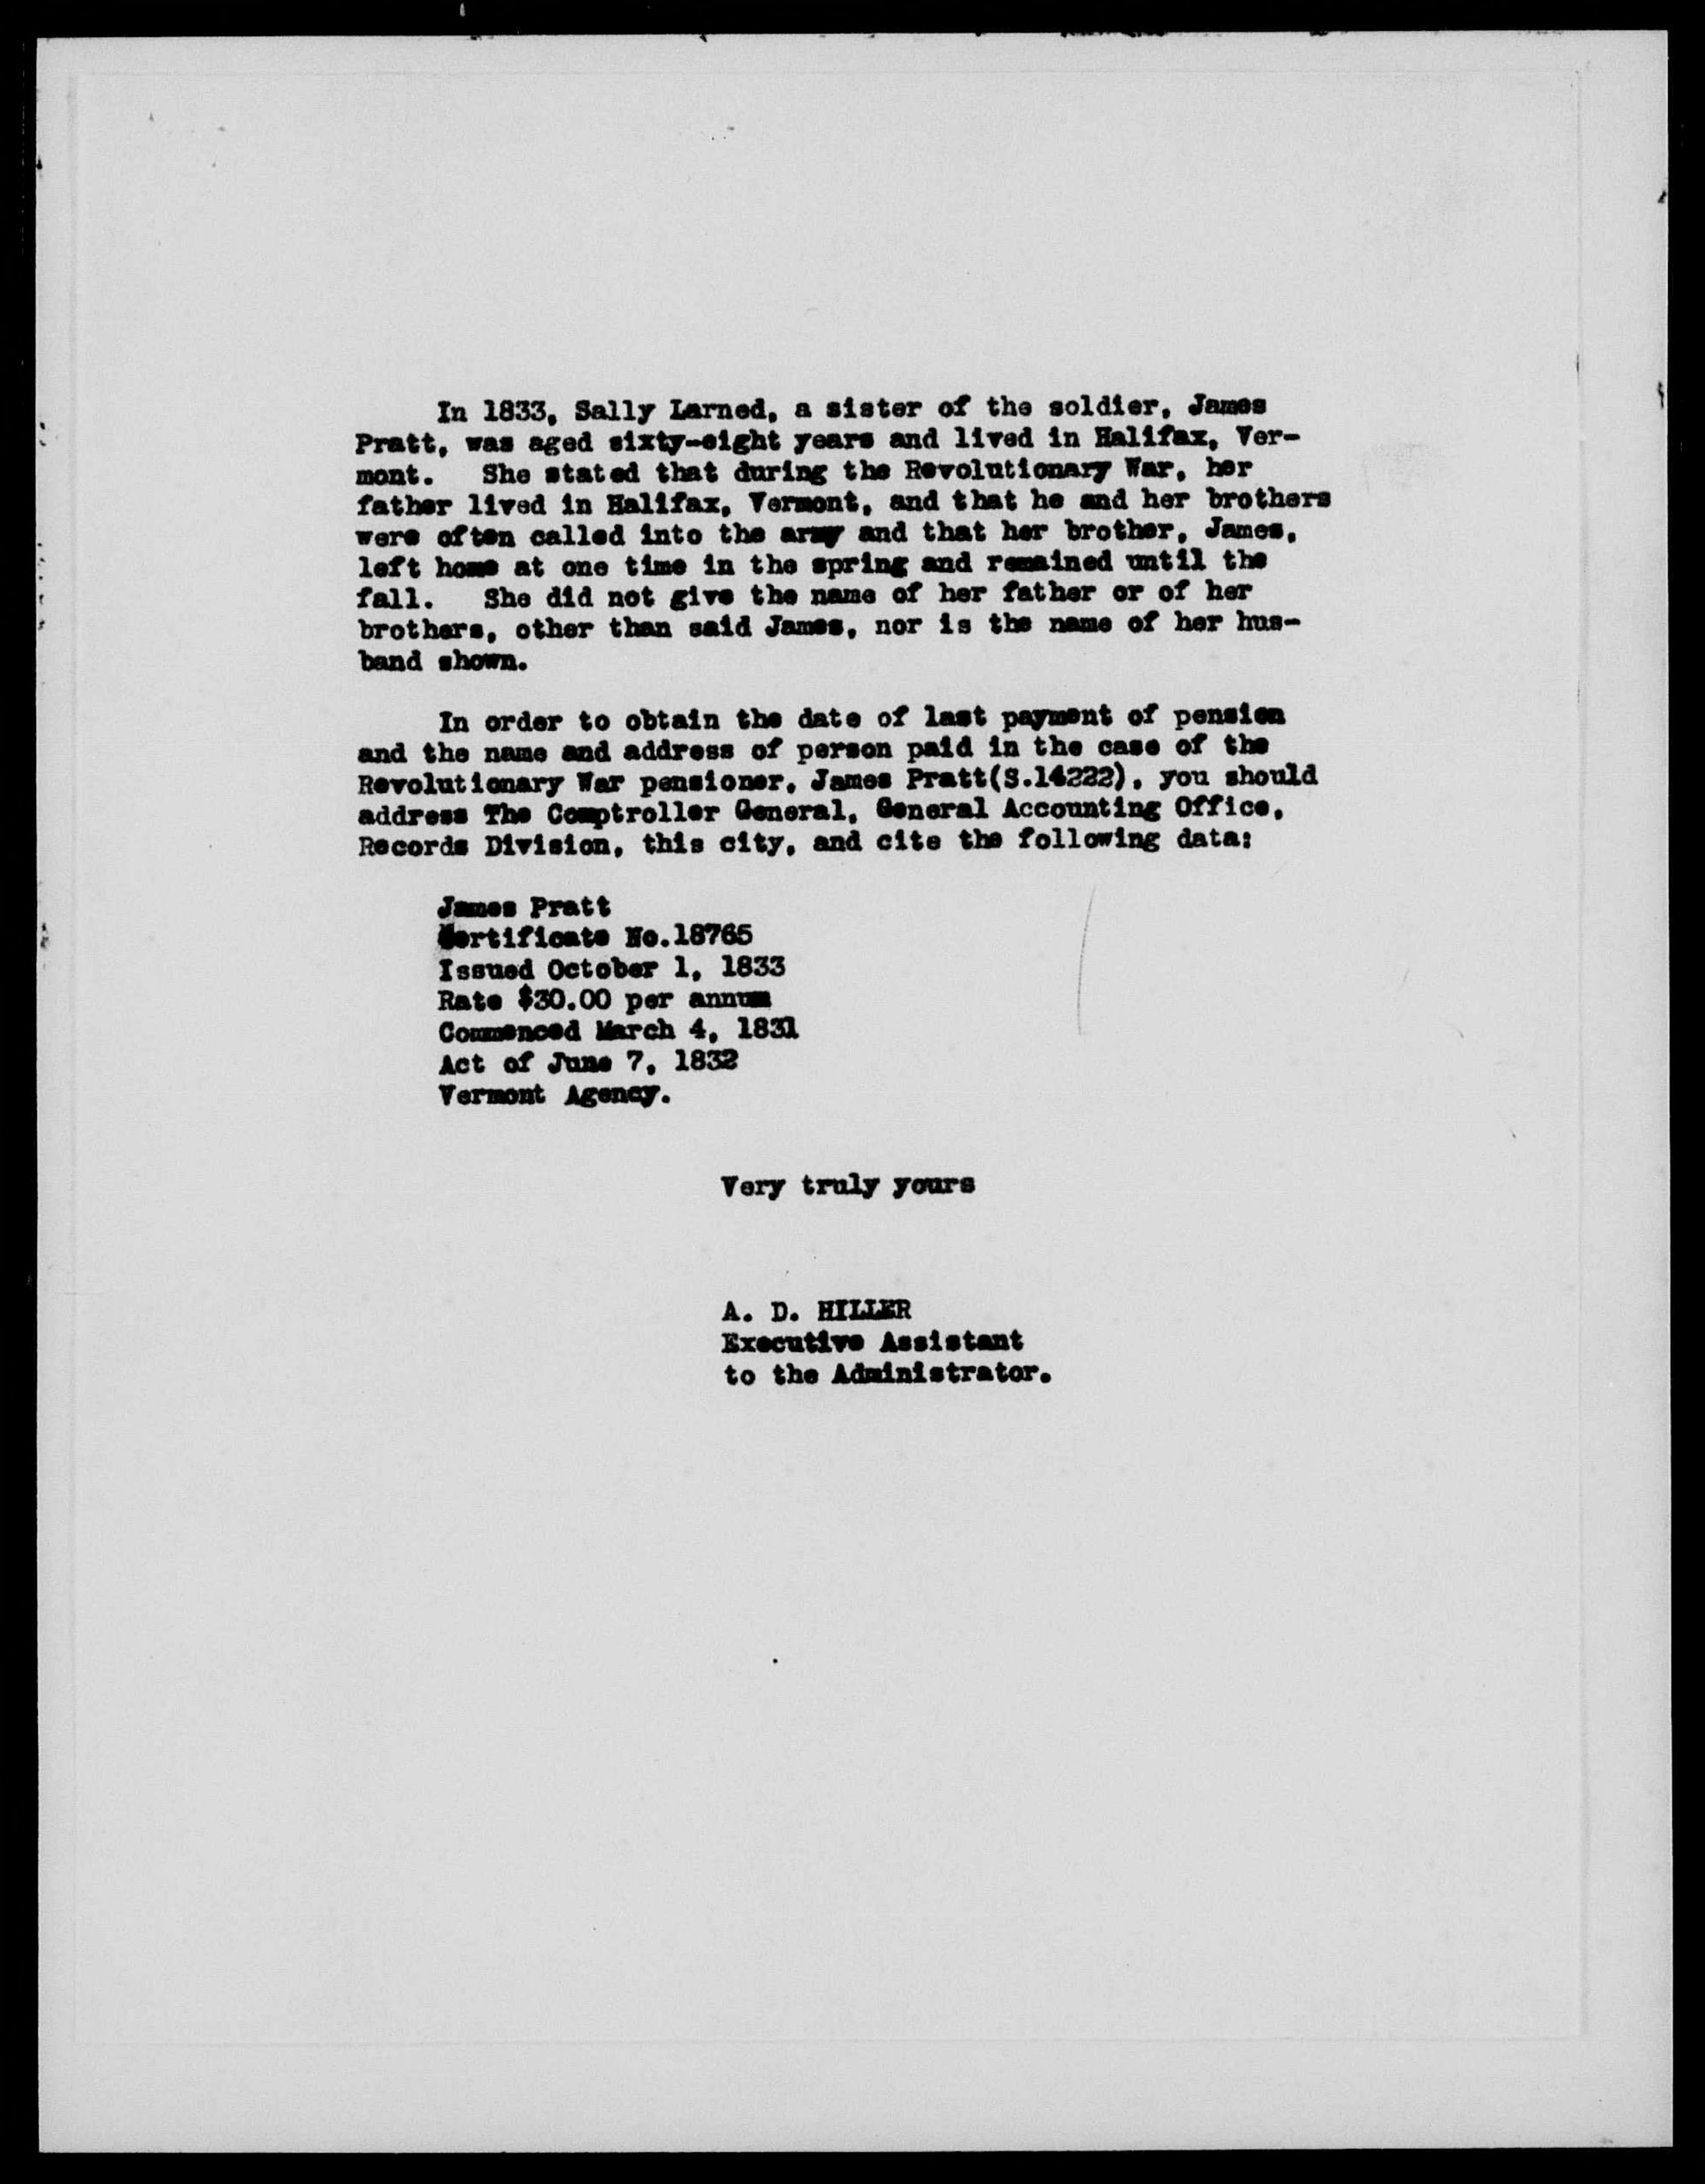In 1833, Sally Larned, a sister of the soldier, James
Pratt, was aged sixty-eight years and lived in Halifax, Vermont. She stated that during the Revolutionary War, her
father lived in Halifax, Vermont, and that he and her brothers
were often called into the army and that her brother, James,
left home at one time in the spring and remained until the
fall. She did not give the name of her father or of her
brothers, other than said James, nor is the name of her husband
shown.
In order to obtain the date of last payment of pension and the name and address of person paid in the case of the
Revolutionary War pensioner, James Pratt (S. 14222), you should
address The Comptroller General, General Accounting Office, Records Division, this city, and cite the following data:

James Pratt
Certificate No. 18765
Issued October 1, 1833
Rate $30.00 per annum
Commenced March 4, 1831
Act of June 7, 1832
Vermont Agency.
Very truly yours
A. D. HILLER
Executive Assistant
to the Administrator.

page: 13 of 29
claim: survivor's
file: S. 14,222, for James Pratt, Vermont